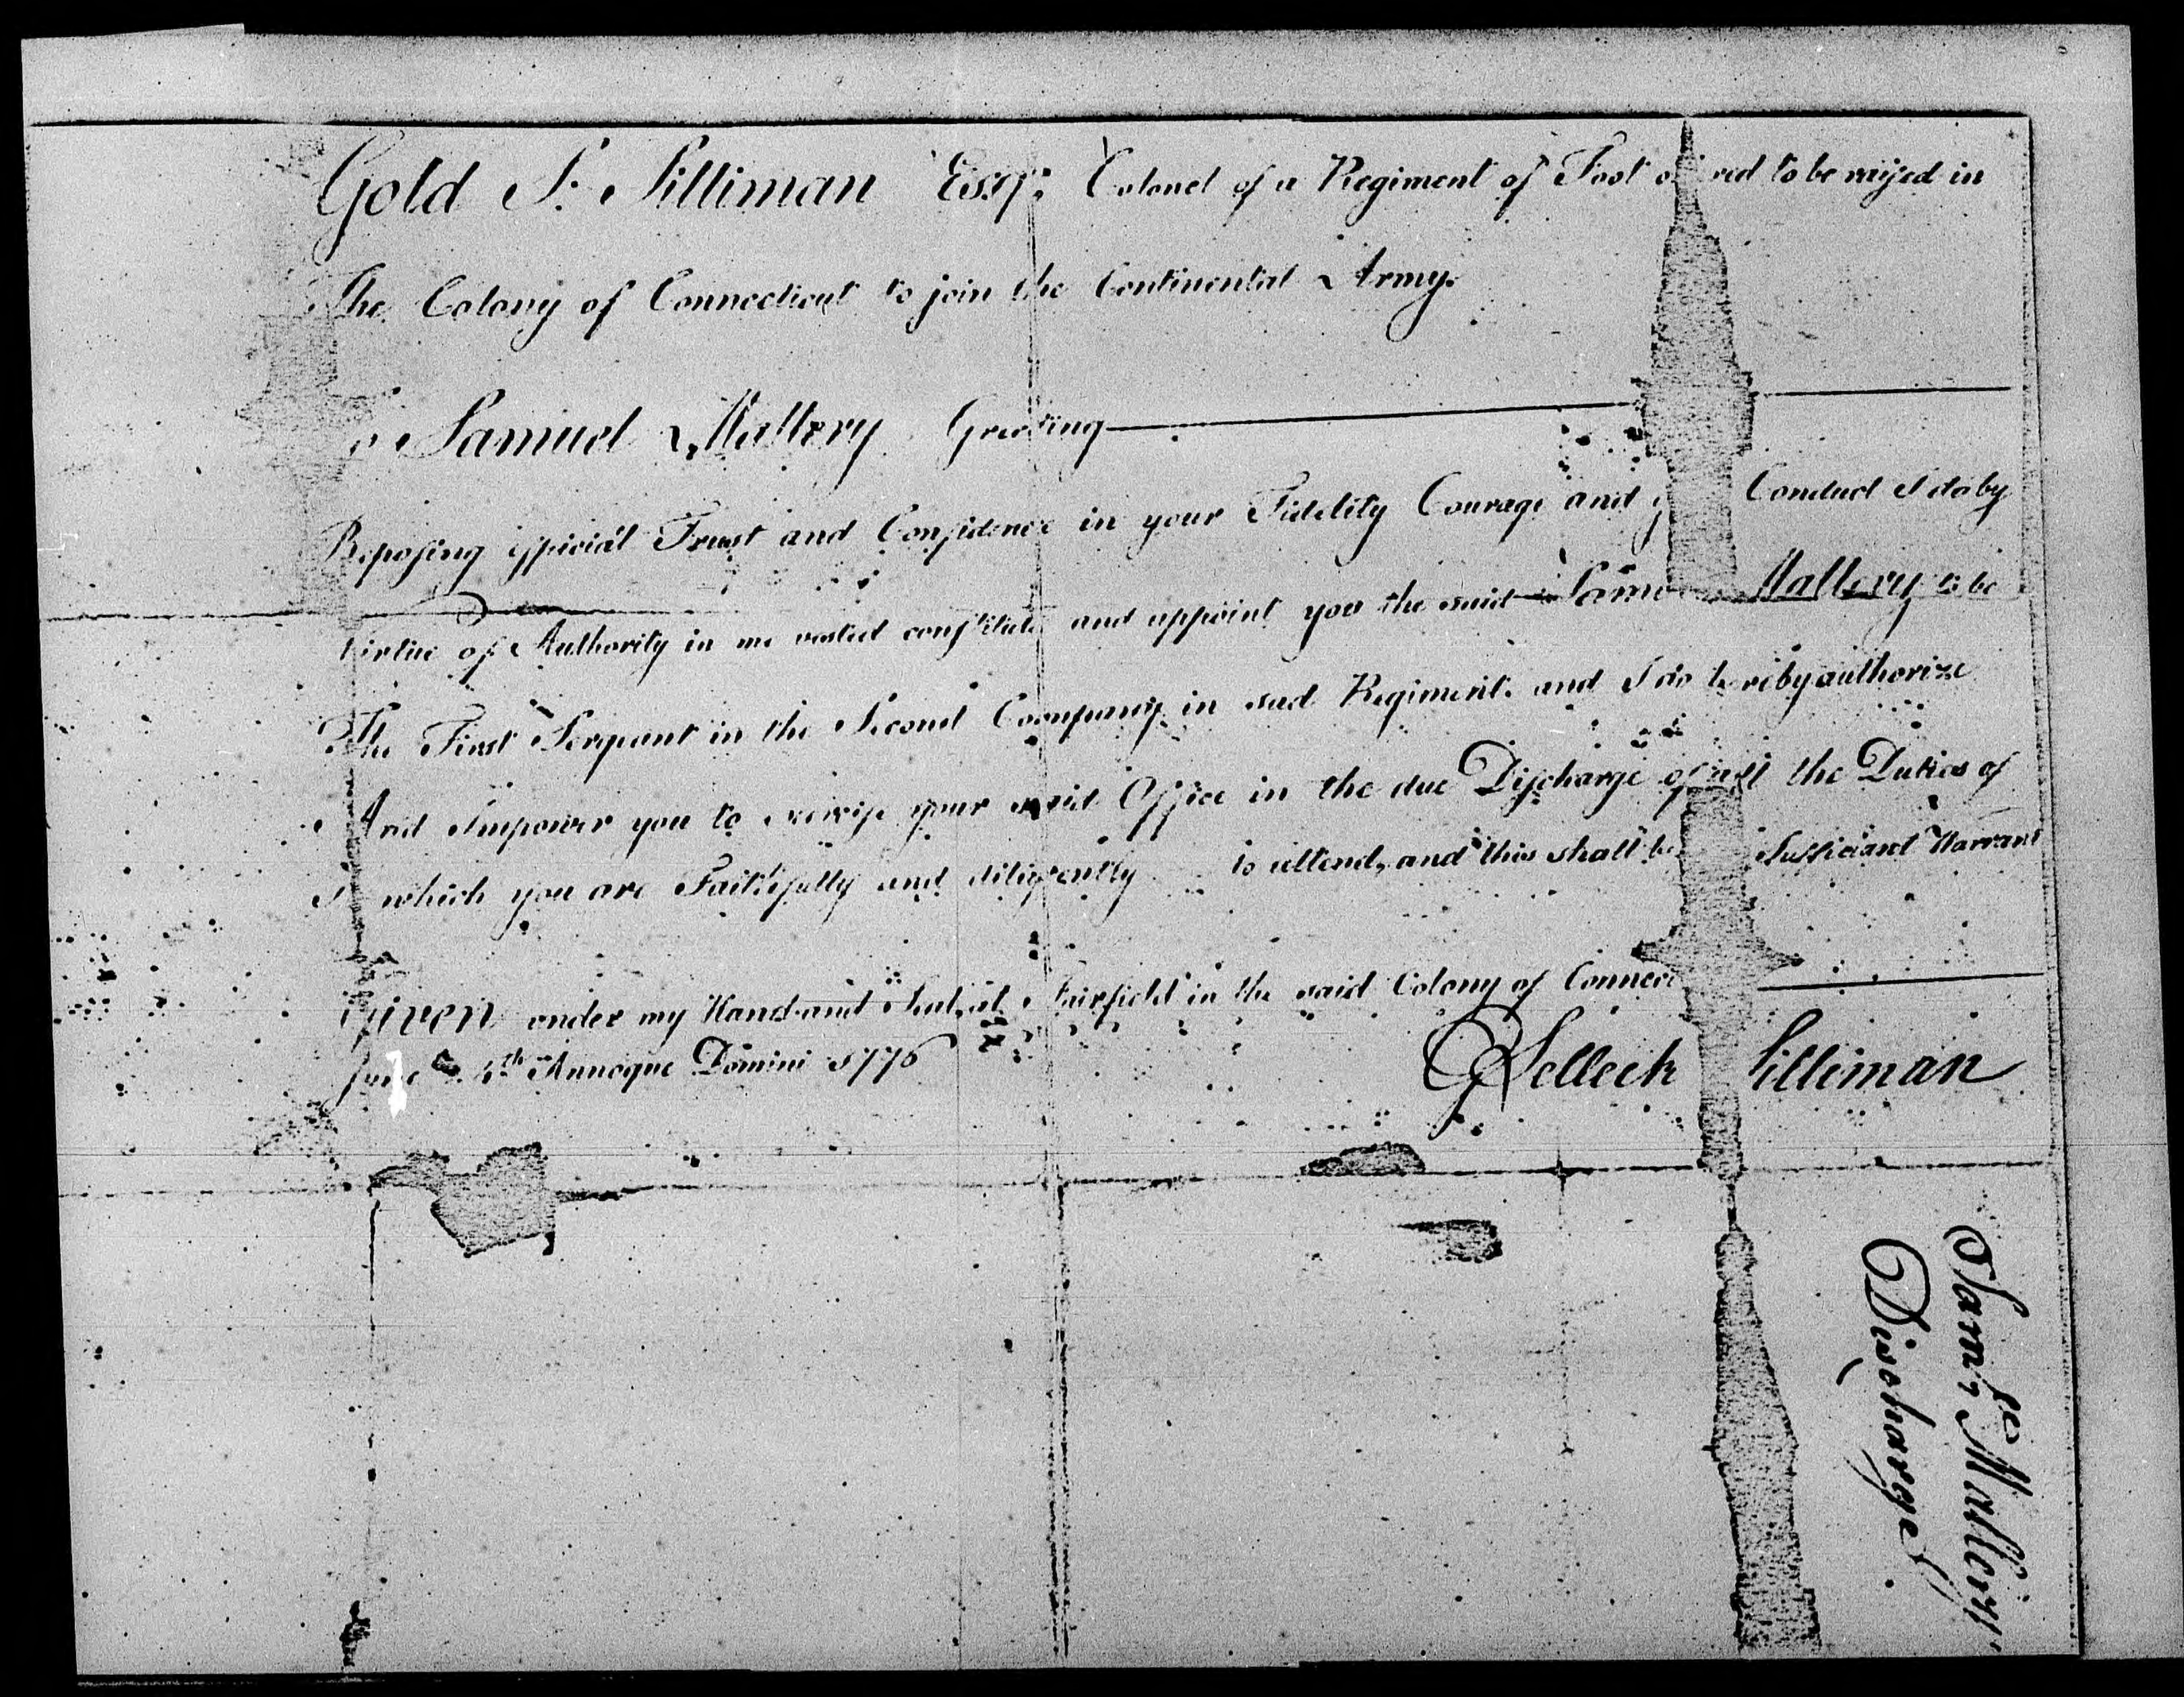Gold S Silliman Esqr: Colonel of a Regiment of Foot ordered to be raised in the Colony of Connecticut to join the Continental Army 
Samuel Mallery Greeting
1 Reposing especial Trust and Confidence in your Fidelity Courage and good conduct I do by virtue of Authority in me vested constitute and appoint you the said Samuel Mallery to be The First Sergeant in the Second Company in said Regiment and I hereby authorize and impower you to exercise your said Office in the due Discharge of the duties of which you are faithfully and diligently to attend and this shall be [unreadable] Warrant 
Given under my hand and Seal at Litchfield in the said Colony of Connecticut
June 4th Anique Domini 1776
G. Selleck Silliman 
Sam’l Mallery
Discharge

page: 11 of 29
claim: survivor's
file: S. 23,312, for Samuel Mallery, Connecticut